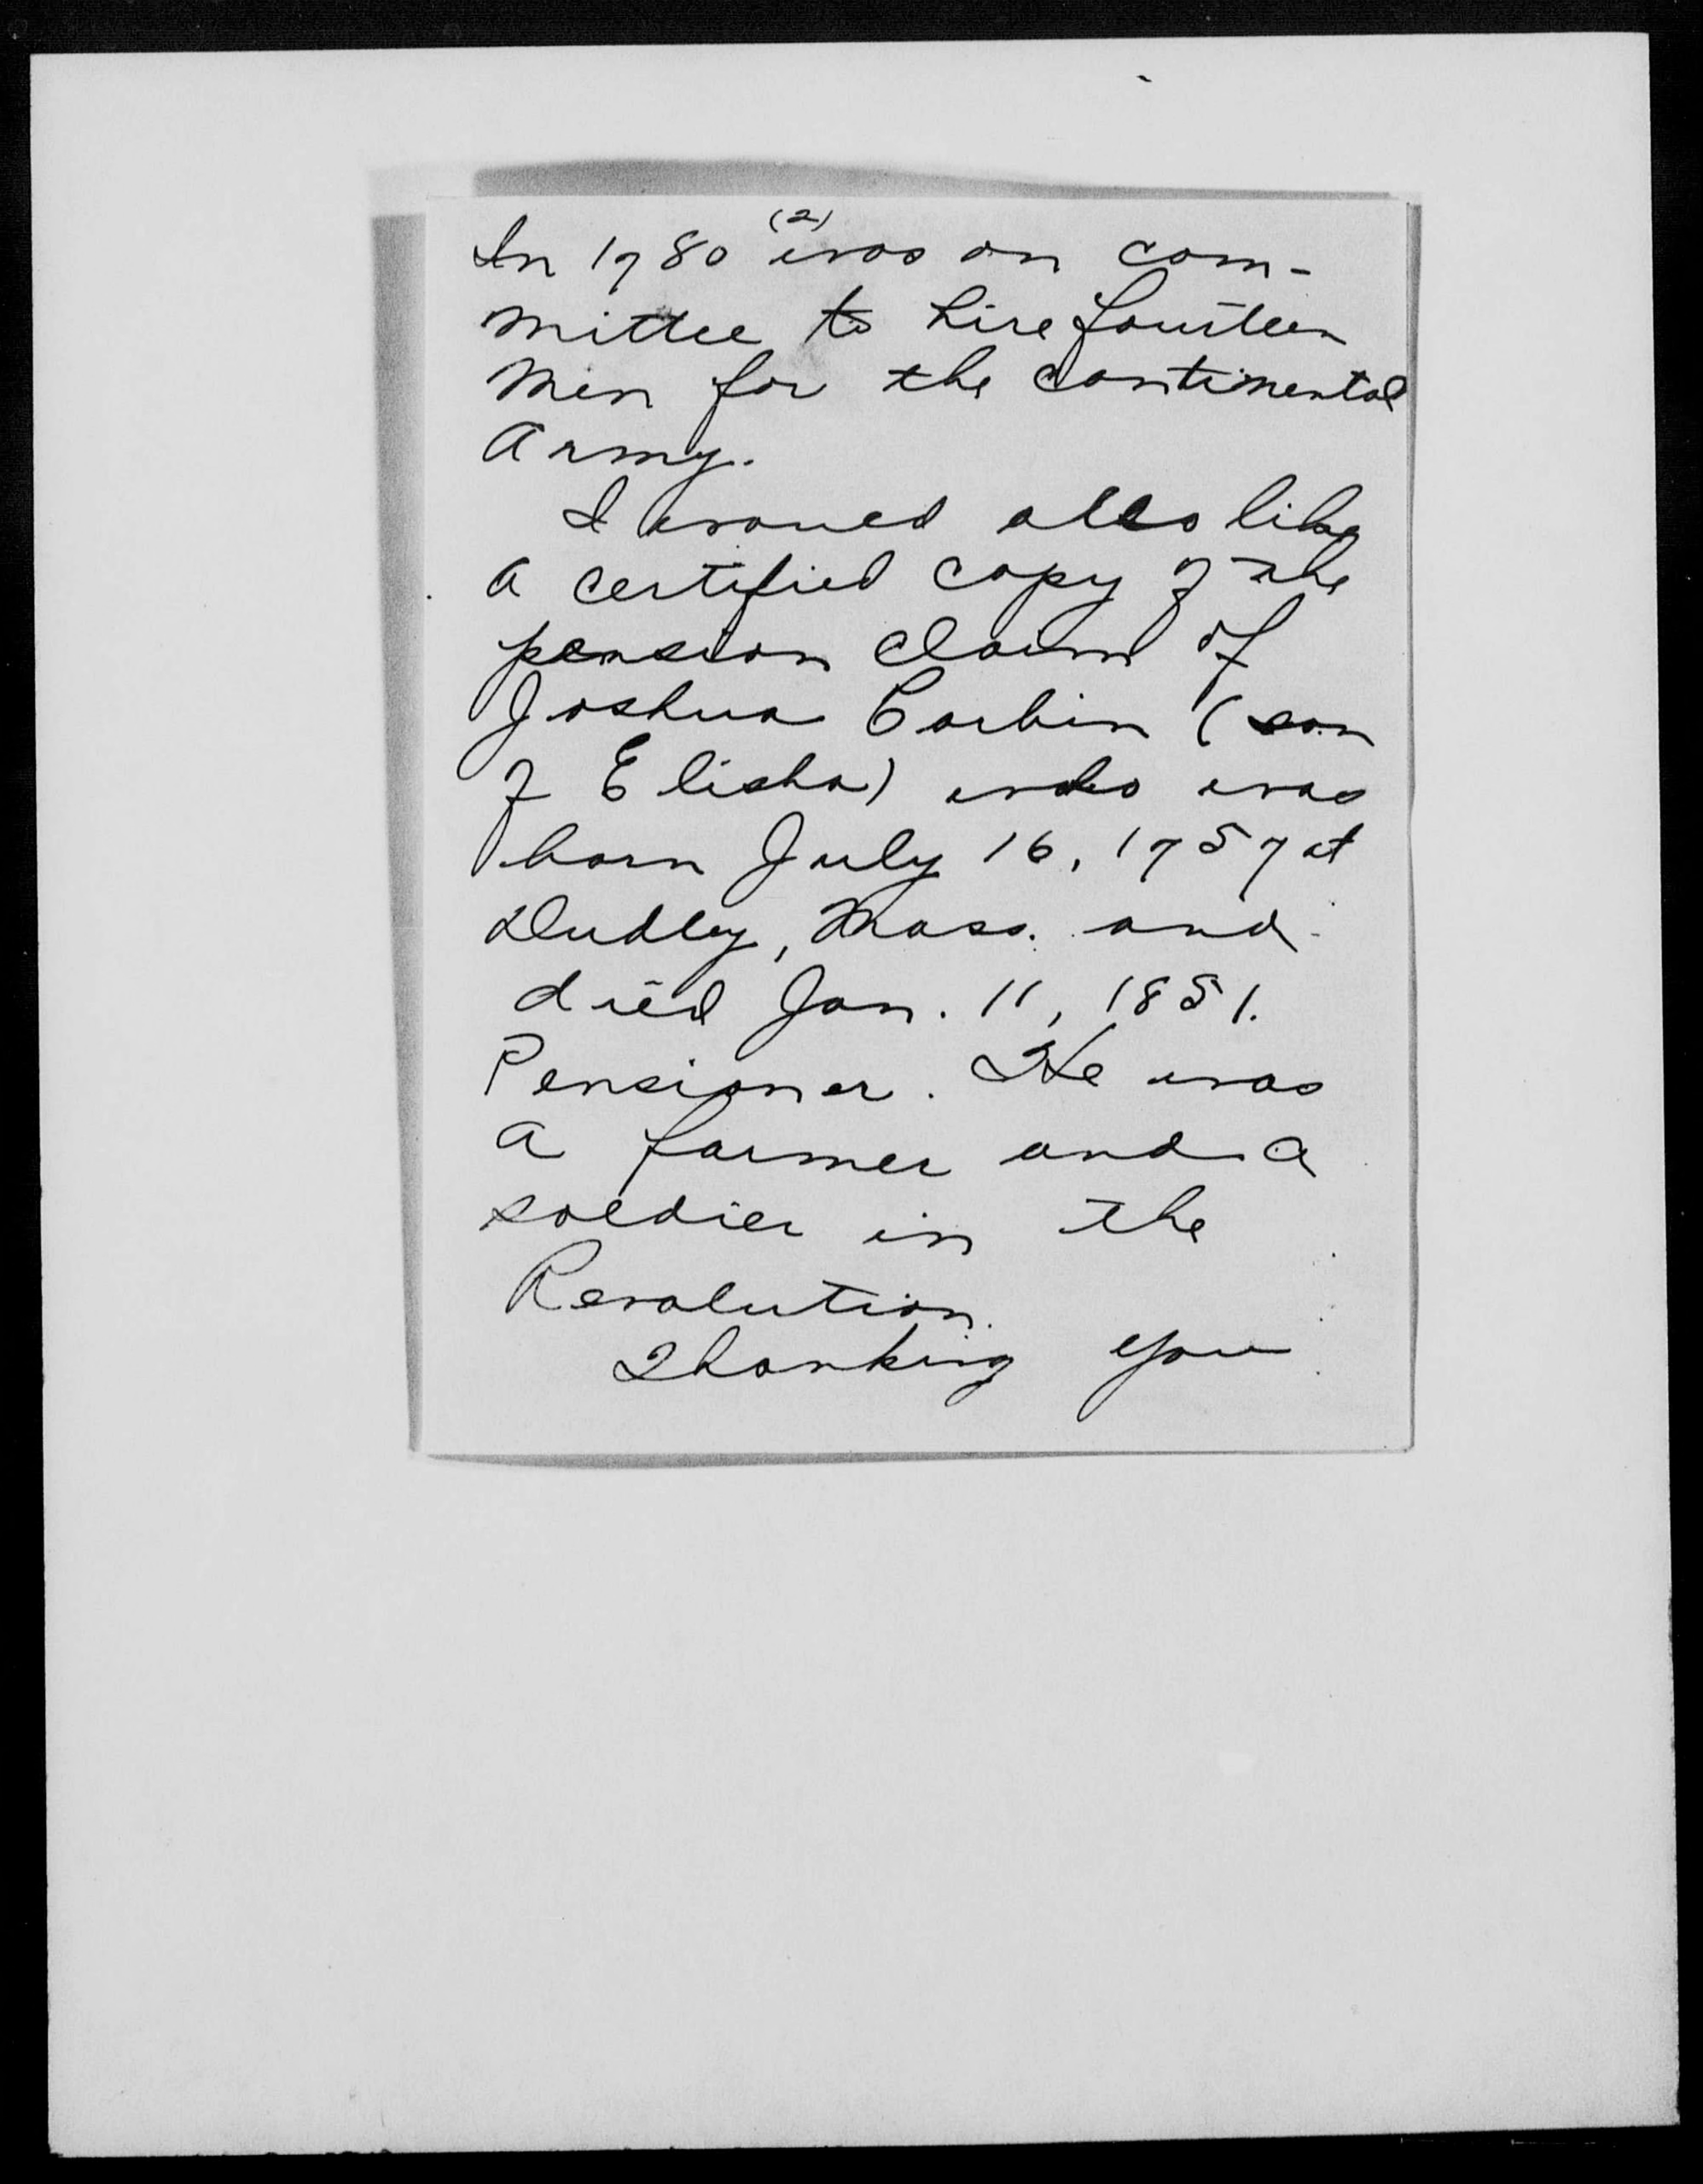(2)
In 1780 was on committee to hire fourteen men for the continental Army.
I would also like a certified copy of the pension claim of Joshua Corbin (son of Elisha) who was born July 16, 1757 at Dudley, Mass. and died Jan. 11, 1851. Pensioner. He was a farmer and a soldier in the Revolution. 
Thanking you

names: Elisha, Joshua Corbin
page: 22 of 34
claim: survivor's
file: S. 12581, Joshua Corbin, Mass.